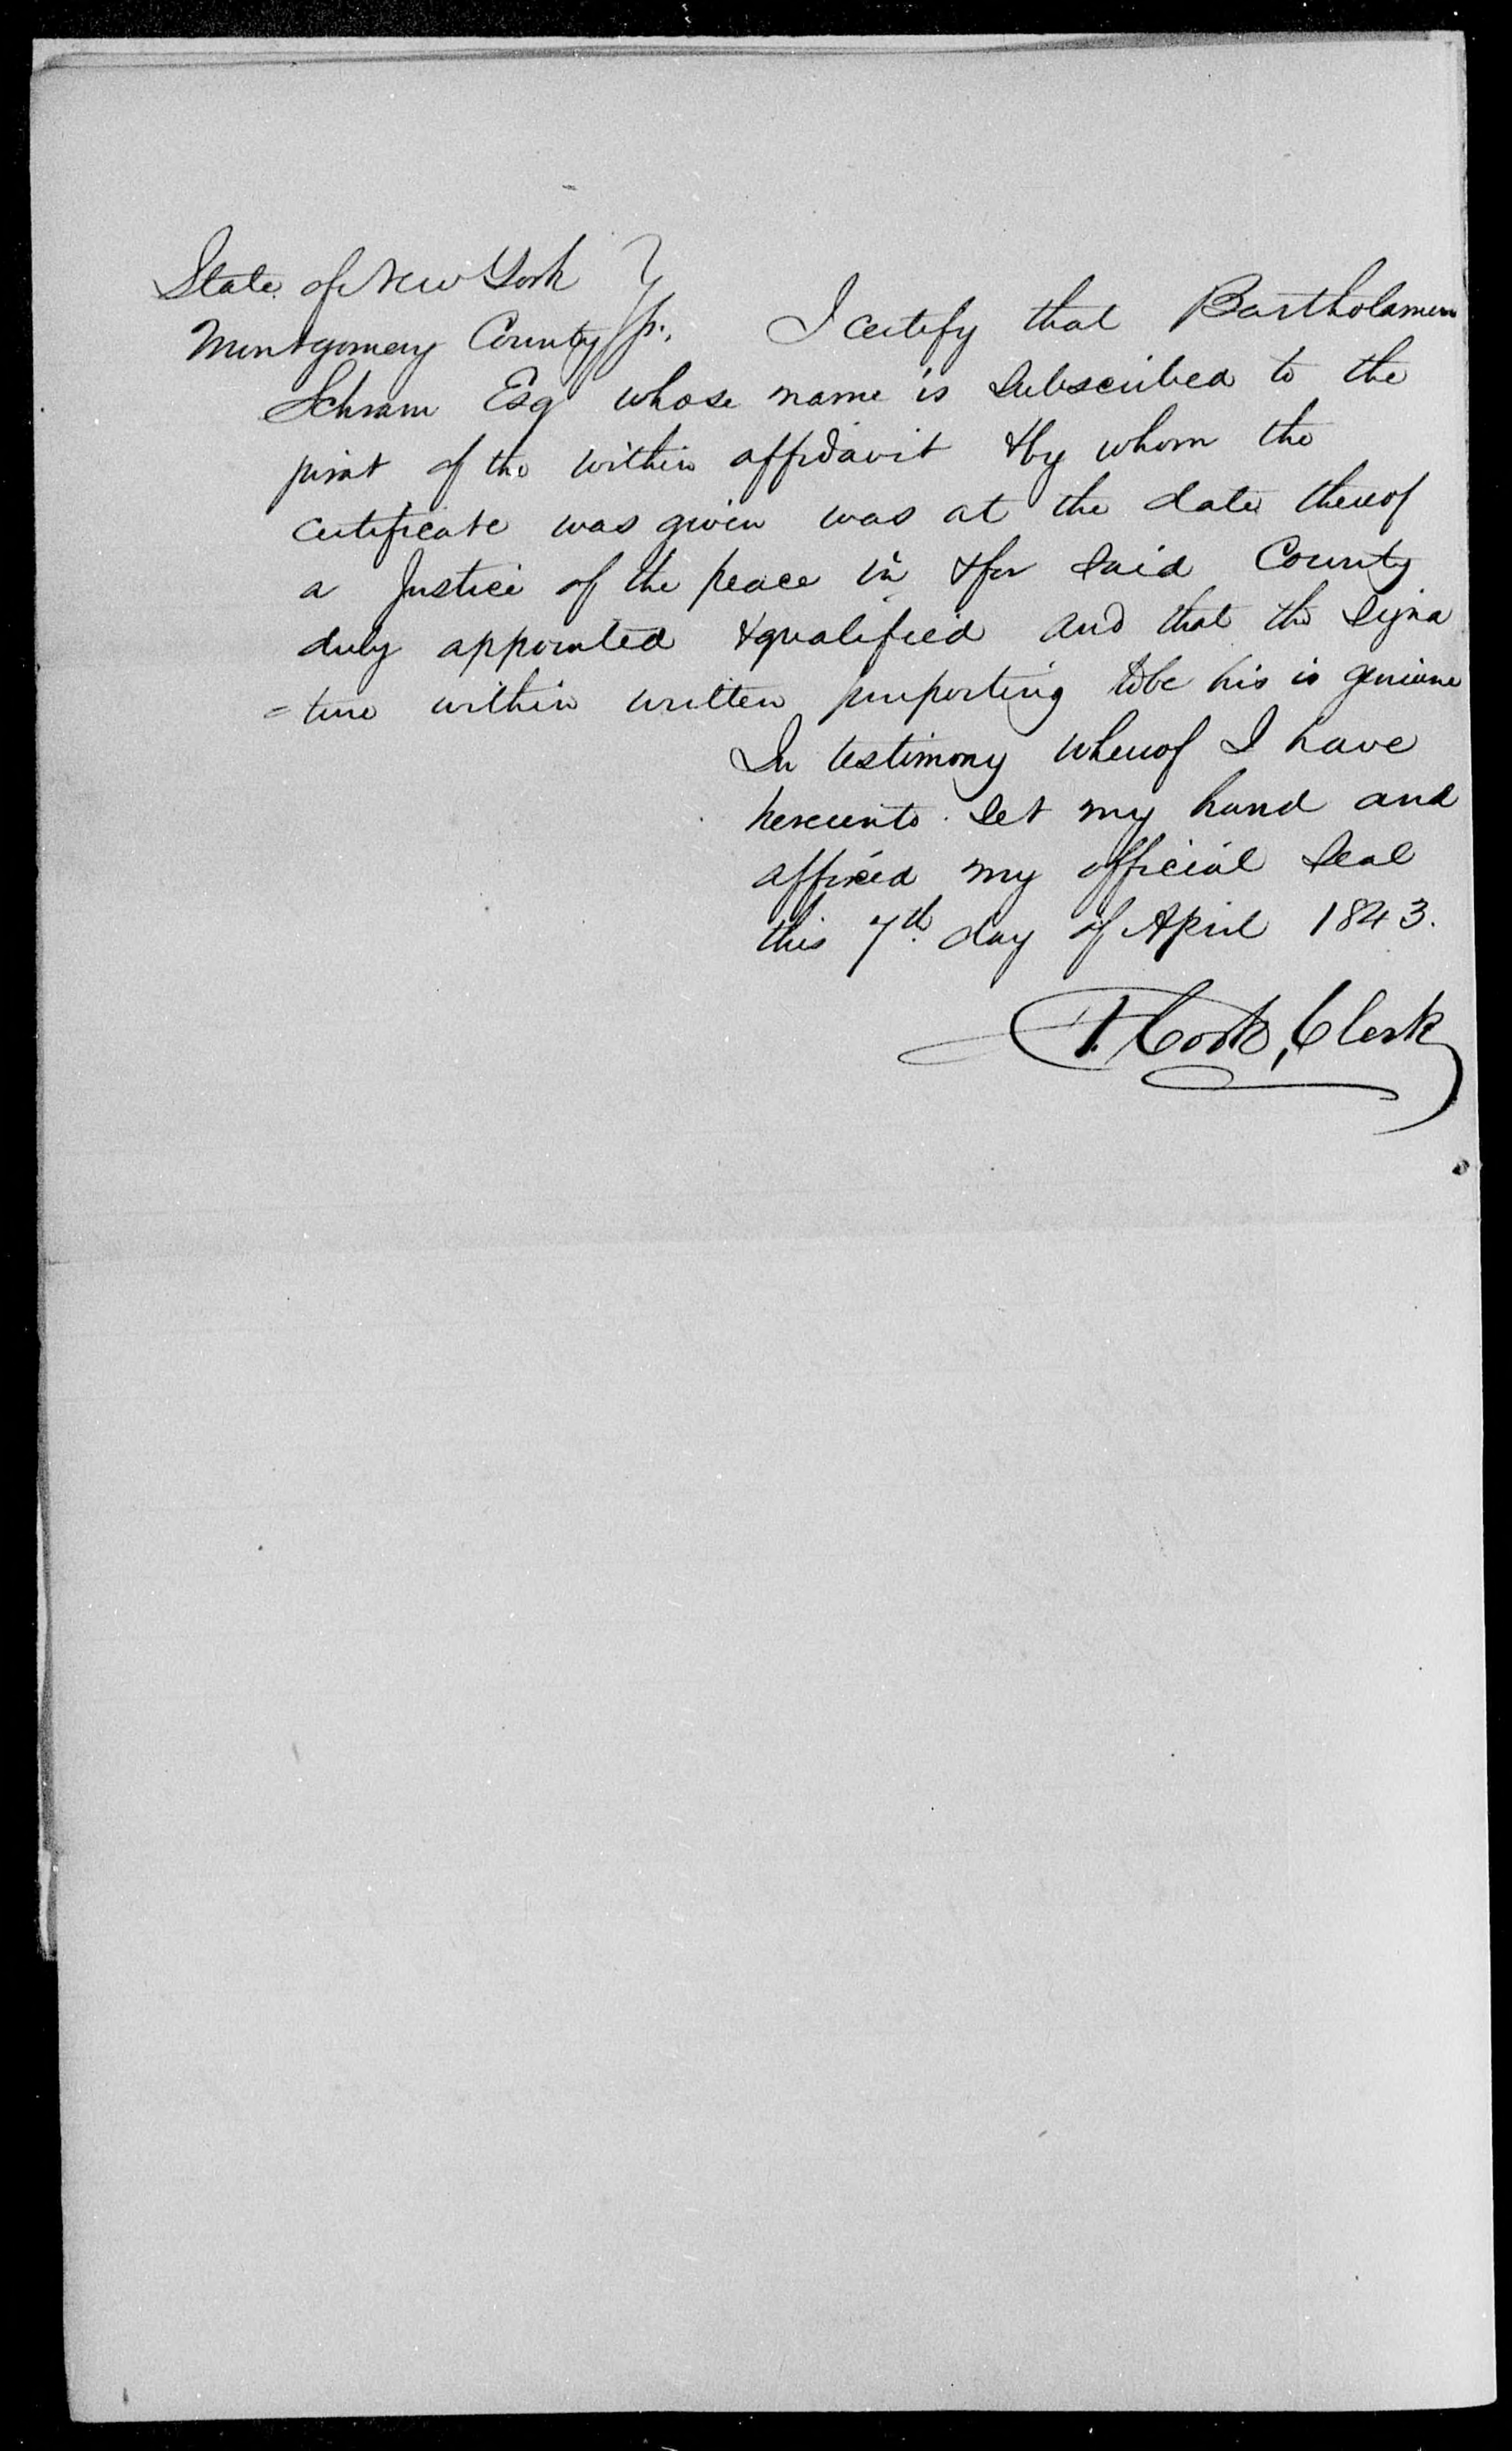[handwritten]
State of New York
Montgomery County 
I certify that Bartholomew Schram Esq whose name is Subscribed to the point of the within affidavit by whom the certificate was given was at the date thereof a Justice of the peace in the said County duly appointed & qualified and that the [illegible] time within written purporting to be his is genuine
In testimony whereof I have hereunto let my hand and affixed my official Seal this 7th day of April 1843.
H Cook, Clerk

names: H Cook, Bartholomew Schram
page: 44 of 55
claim: widow's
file: W. 19503, Samuel Giles, Conti. Mass. New York